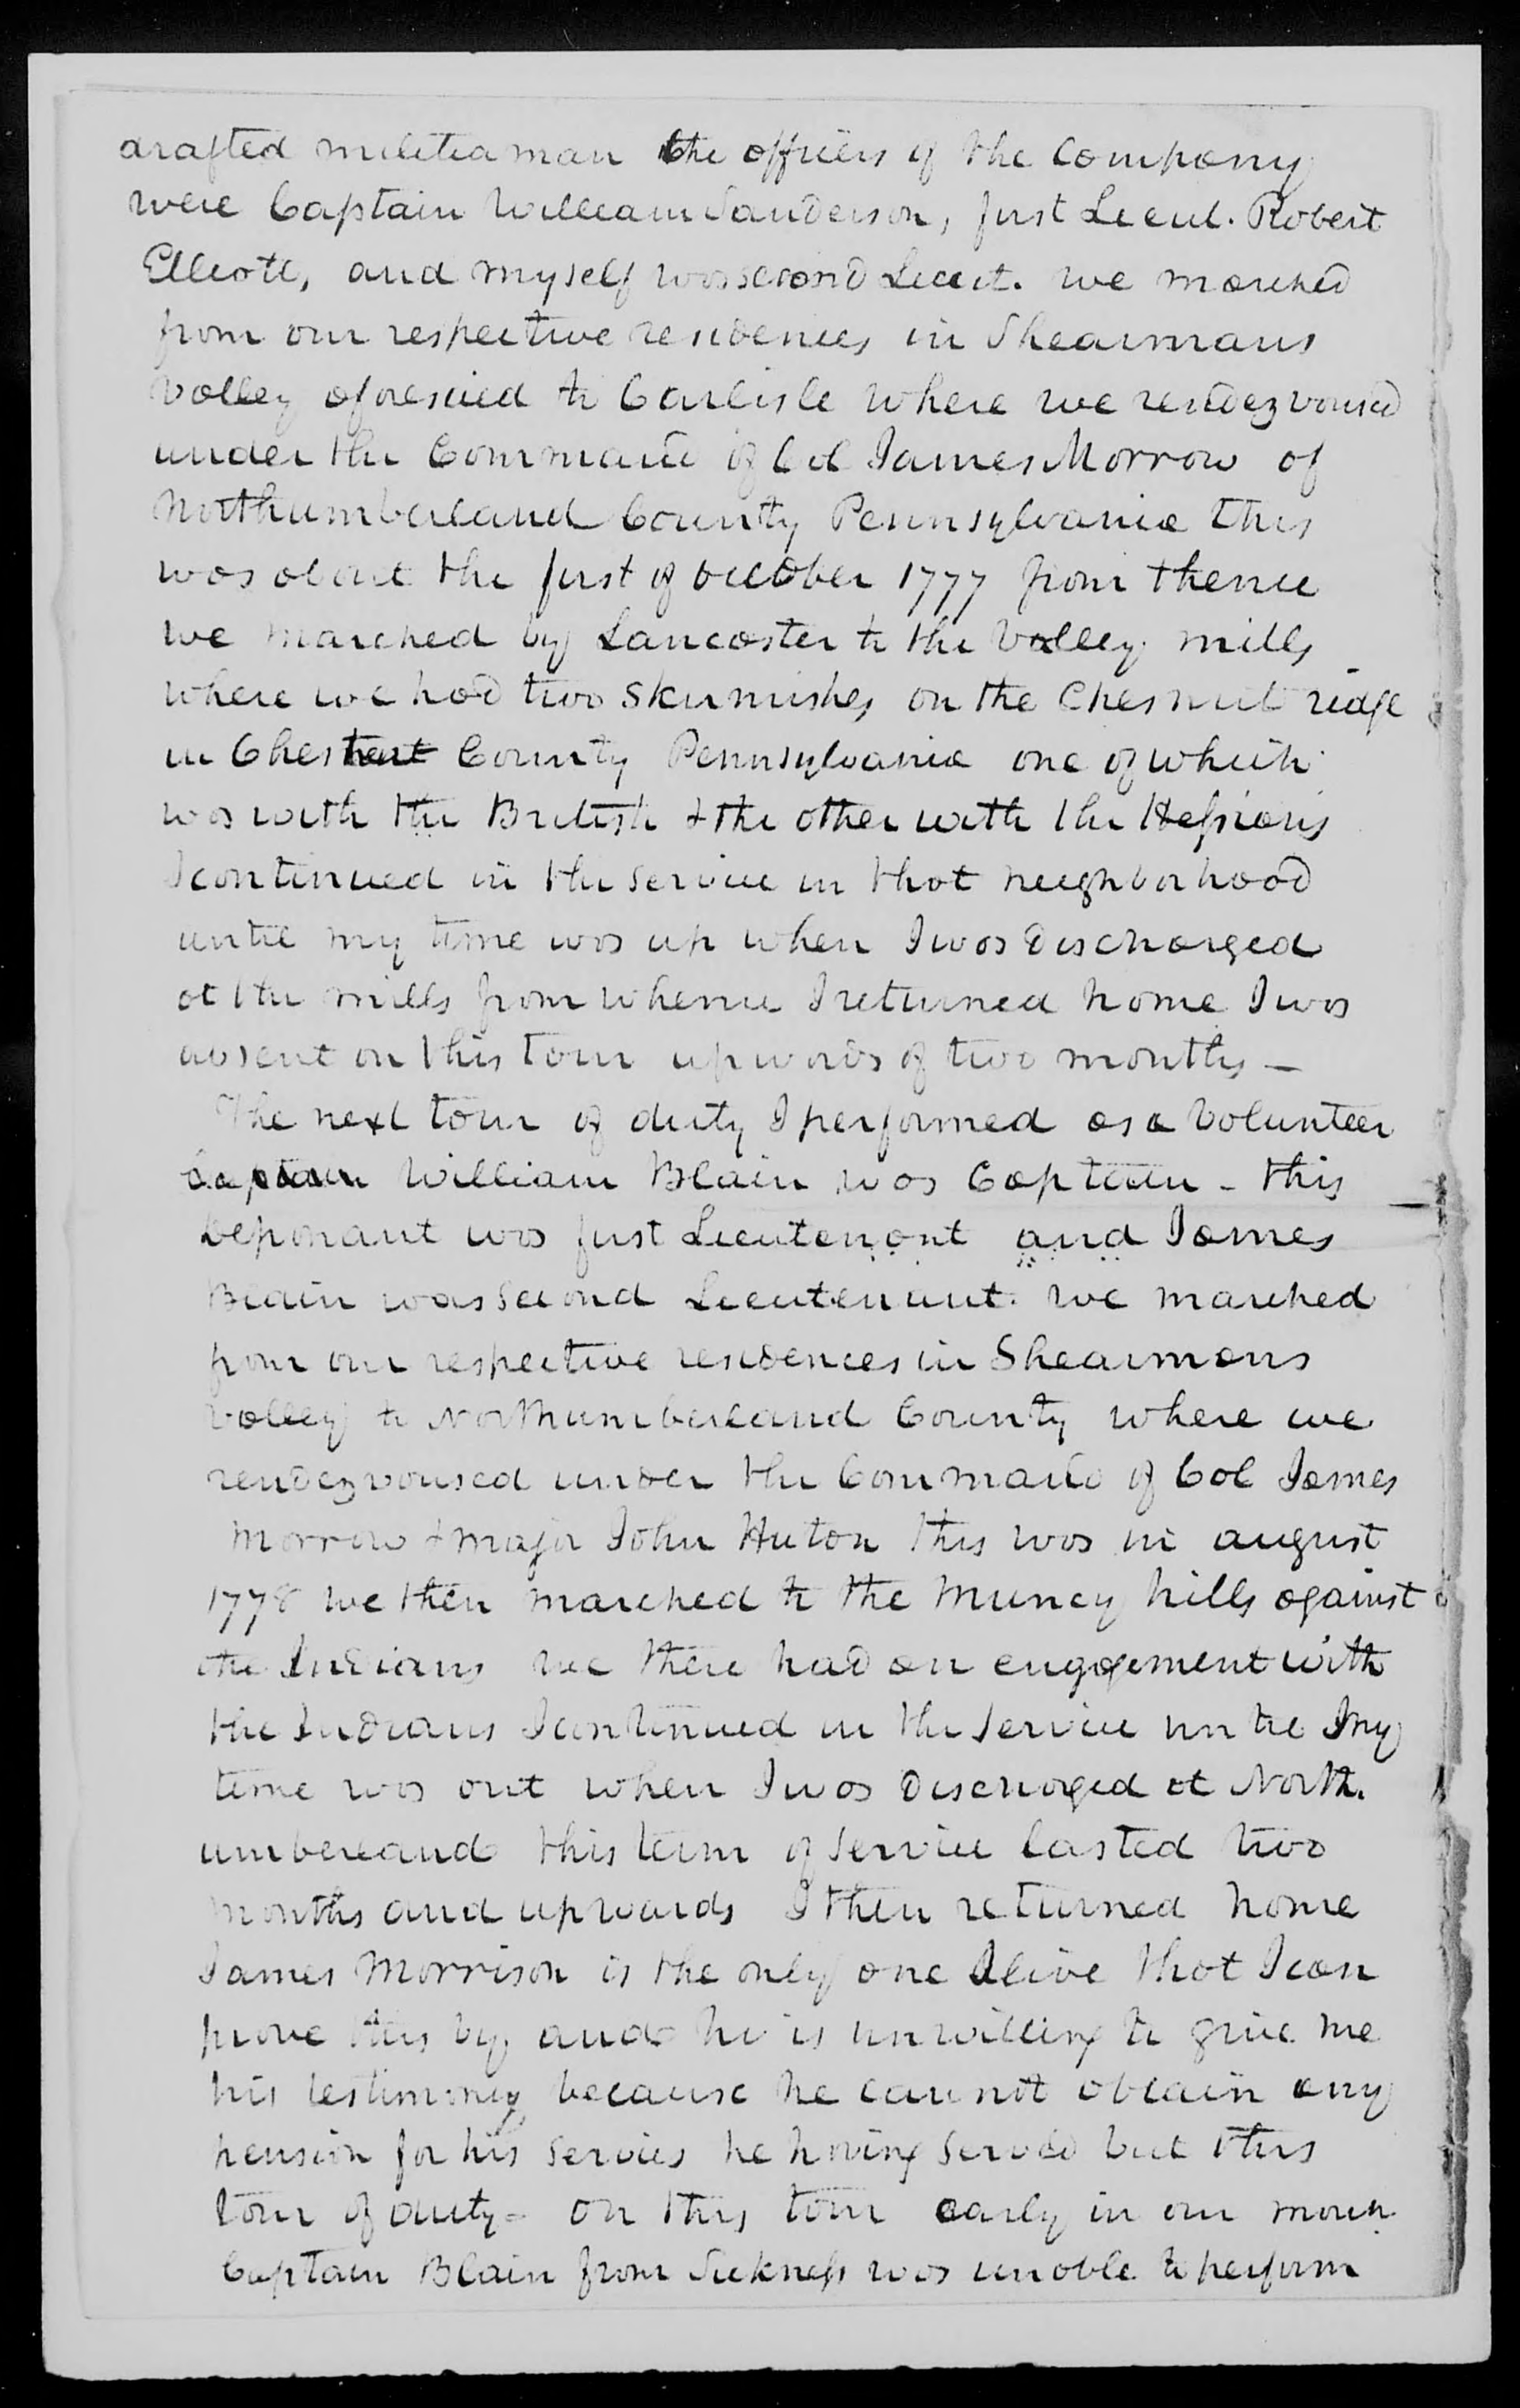drafted militiaman the officers of the Company were Captain William Sanderson, first Lieut. Robert Elliott, and myself was second Lieut.  
We marched from our respective [illegible] in Shearmans Volley aforesaid to Carlisle where we rendezvoned under the Command of Col James Morrow of Northumberland County Pennsylvania this was about the first of october 1777 from there we marched to Lancaster to the volley mills where we had two skirmishes on the Chestnut ridge in Chestnut County Pennsylvania one of which was with the British & the other with the 
Hessions I continued in the service in that neighborhood until my time was up when I was discharged at the mills from where I returned home I was absent on this tour upwards of two months-The next tour of duty I performed as a volunteer Captain William Blair was Captain-this Deponant was first Lieutenant and James Blair was Second Lieutenant. We marched from our respective rendences in Shearmans Volley to Northumberland County where we rendezvoused under the Command of Col James Morrow & Major John Huton this was in august 1778 we then marched to the Muncy hills against the Indians we there had on engagement with the Indians I continued in the Service until [illegible] time was out when I was discharged at Northumberland this term of Service lasted two months and upwards  I then returned home James Morrison is the only one alive that I can prove this by and he is unwilling to give me his testimony, because he cannot obtain any pension for his services he having served but this tour of duty.  on this tour early in our March Captain Blair from sickness was unable to perform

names: James Morrison, John Huton, William Blain, James Morrow, William Sanderson, James Morrow, James Blain, Robert Elliott, Blain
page: 6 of 30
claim: widow's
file: W. 3211, George Black, Penn.